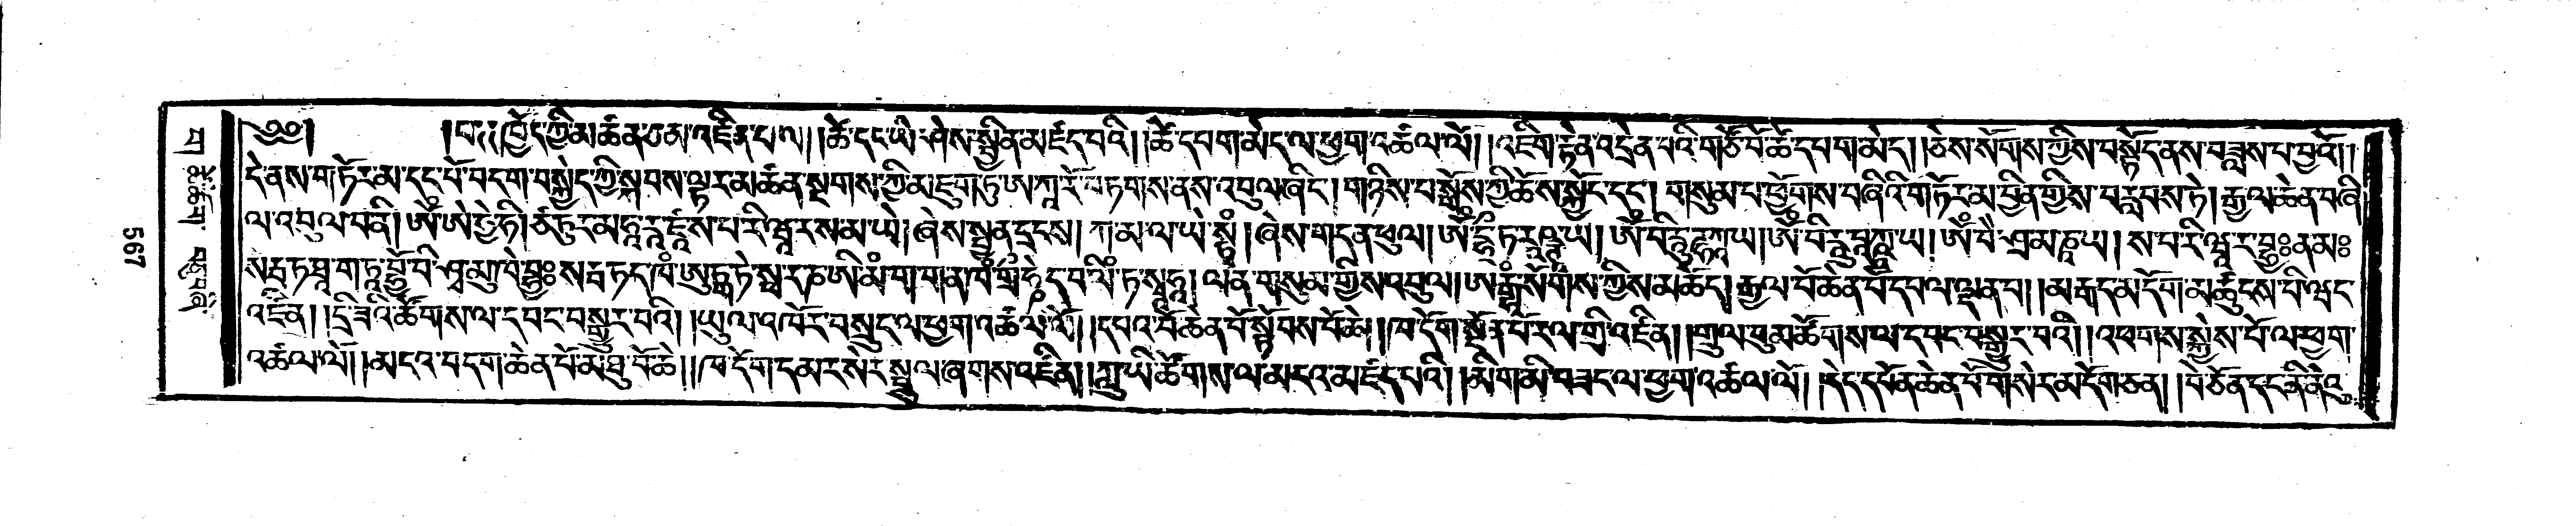༄༅། །པ། །ཁྱོད་ཀྱི་མཚན་ཙམ་འཛིན་པ་ལ། །ཚེ་དང་ཡེ་ཤེས་སྦྱིན་མཛད་པའི། །ཚེ་དཔག་མེད་ལ་ཕྱག་འཚལ་ལོ། །འཇིག་རྟེན་འདྲེན་པའི་གཙོ་བོ་ཚེ་དཔག་མེད། །ཅེས་སོགས་ཀྱིས་བསྟོད་ནས་བཟླས་པ་བྱའོ།
དེ་ནས་གཏོར་མ་དང་པོ་བདག་བསྐྱེད་ཀྱི་སྐབས་ལྟར་མཚན་སྔགས་ཀྱི་མཇུག་ཏུ་ཨ་ཀཱ་རོ་བཏགས་ནས་འབུལ་ཞིང་། གཉིས་པ་སྒོས་ཀྱི་ཆོས་སྐྱོང་དང་། གསུམ་པ་ཕྱོགས་བཞིའི་གཏོར་མ་བྱིན་གྱིས་བརླབས་ཏེ། རྒྱལ་ཆེན་བཞི་
ལ་འབུལ་བ་ནི། ཨོཾ་ཨེ་ཧྱེ་ཧི། ཙ་ཏུར་མཧཱ་རཱ་ཛཱ་ས་པ་རི་ཝཱ་ར་ས་མ་ཡེ། ཞེས་སྤྱན་དྲངས། ཀ་མ་ལ་ཡེ་སྟྭཾ། ཞེས་གདན་ཕུལ། ཨོཾ་དྷྲྀ་ཏ་རཱཥྚཱ་ཡ། ཨོཾ་བིརཱུ་ཌྷཀཱ་ཡ། ཨོཾ་བི་རཱུ་དཱ་ཀྵཱ་ཡ། ཨོཾ་བཻ་ཤྲ་མ་ཎཱ་ཡ། ས་པ་རི་ཝཱ་ར་བྷྱཿ ན་མཿ
སརྦ་ཏ་ཐཱ་ག་ཏཱ་བྷྱོ་བི་ཤྭ་མུ་ཁེ་བྷྱཿ སརྦ་ཏད་ཁཾ་ཨུཏྒ་ཏེ་སྥ་ར་ཎ་ཨི་མཾ་ག་ག་ན་ཁཾ་གྲྀ་ཧྵེ་དཾ་བ་ལིཾ་ཏ་སྭཱཧཱ། ལན་གསུམ་གྱིས་འབུལ། ཨ་རྒྷཾ་སོགས་ཀྱིས་མཆོད། རྒྱལ་པོ་ཆེན་པོ་དཔལ་ལྡན་པ། །མ་རྒད་མདོག་མཚུངས་པི་ཝང་
འཛིན། །དྲི་ཟའི་ཚོགས་ལ་དབང་བསྒྱུར་བའི། །ཡུལ་འཁོར་བསྲུང་ལ་ཕྱག་འཚལ་ལོ། །དཔའ་བོ་ཆེན་པོ་སྟོབས་པོ་ཆེ། །ཁ་དོག་སྔོན་པོ་རལ་གྲི་འཛིན། །གྲུལ་བུམ་ཚོགས་ལ་དབང་བསྒྱུར་བའི། །འཕགས་སྐྱེས་པོ་ལ་ཕྱག་
འཚལ་ལོ། །མངའ་བདག་ཆེན་པོ་མཐུ་བོ་ཆེ། །ཁ་དོག་དམར་སེར་སྦྲུལ་ཞགས་འཛིན། །ཀླུ་ཡི་ཚོགས་ལ་མངའ་མཛད་པའི། །མིག་མི་བཟང་ལ་ཕྱག་འཚལ་ལོ། །དེད་དཔོན་ཆེན་པོ་གསེར་མདོག་ཅན། །བེ་ཅོན་དང་ནི་ནེའུ་